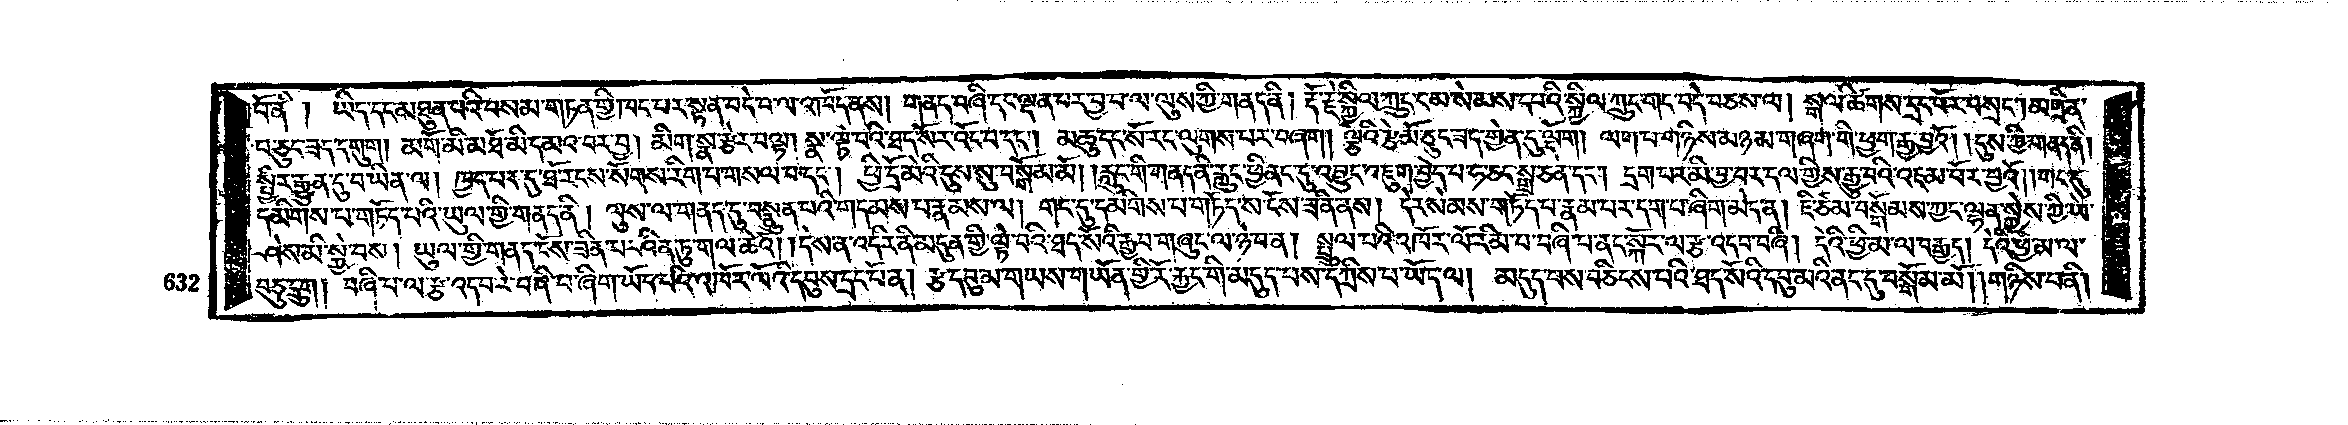པོ་ནི། ཡིད་དང་མཐུན་པའི་བསམ་གཏན་གྱི་ཁང་པར་སྟན་བདེ་བ་ལ་འཁོད་ནས། གནད་བཞི་དང་ལྡན་པར་བྱ་བ་ལ་ལུས་ཀྱི་གནད་ནི། རྡོ་རྗེ་སྐྱིལ་ཀྲུང་ངམ་སེམས་དཔའི་སྐྱིལ་ཀྲུང་གང་བདེ་བཅས་ལ། སྒལ་ཚིགས་དྲང་པོར་བསྲང་། མགྲིན་
པ་ཅུང་ཟད་དགུག །མགོ་མི་མཐོ་མི་དམའ་བར་བྱ། མིག་སྣ་རྩེར་བལྟ། སྣ་ལྟེ་བའི་ཐད་སོར་འོང་བ་དང་། མཆུ་དང་སོ་རང་ལུགས་པར་བཞག །ལྕེའི་རྩེ་མོ་ཅུང་ཟད་གྱེན་དུ་ལྡོག །ལག་པ་གཉིས་མཉམ་གཞག་གི་ཕྱག་རྒྱ་བྱའོ། །དུས་ཀྱི་གནད་ནི།
སྤྱིར་རྒྱུན་དུ་བ་ཡིན་ལ། ཁྱད་པར་དུ་ཐོ་རངས་སོགས་རིག་པ་གསལ་བ་དང་། ཕྱི་དྲོ་མེའི་དུས་སུ་བསྒོམ་མོ། །རླུང་གི་གནད་ནི་རླུང་ཕྱི་ནང་དུ་འབྱུང་འཇུག་བྱེད་པ་ཧ་ཅང་སྒྲ་ཅན་དང་། དྲག་པར་མི་བྱ་བར་དལ་གྱིས་རྒྱུ་བའི་འཇམ་པོར་བྱའོ། །གང་དུ་
དམིགས་པ་གཏོད་པའི་ཡུལ་གྱི་གནད་ནི། ལུས་ལ་གནད་དུ་བསྣུན་པའི་གདམས་པ་རྣམས་ལ། གང་དུ་དམིགས་པ་གཏོད་ས་ངོས་ཟིན་ནས། དེར་སེམས་གཏོད་པ་རྣམ་པར་དག་པ་ཞིག་མེད་ན། ཇི་ཙམ་བསྒོམས་ཀྱང་ལྷན་སྐྱེས་ཀྱི་ཡེ་
ཤེས་མི་སྐྱེ་བས། ཡུལ་གྱི་གནད་ངོས་ཟིན་པ་ཤིན་ཏུ་གལ་ཆེའོ། །དེས་ན་འདིར་ནི་མདུན་གྱི་ལྟེ་བའི་ཐད་སོའི་རྒྱབ་གཞུང་ལ་ཉེ་བ་ན། སྤྲུལ་པའི་འཁོར་ལོ་རིམ་པ་བཞི་པ་ནང་སྐོར་ལ་རྩ་འདབ་བཞི། དེའི་ཕྱི་མ་ལ་བརྒྱད། དེའི་ཕྱི་མ་ལ་
བཅུ་དྲུག །བཞི་པ་ལ་རྩ་འདབ་རེ་བཞི་པ་ཞིག་ཡོད་པའི་འཁོར་ལོའི་དབུས་དྲང་པོ་ན། རྩ་དབུ་མ་གཡས་གཡོན་གྱི་རོ་རྐྱང་གི་མདུད་པས་དཀྲིས་པ་ཡོད་ལ། མདུད་པས་བཅིངས་པའི་ཐད་སོའི་དབུ་མའི་ནང་དུ་བསྒོམ་མོ། །གཉིས་པ་ནི།